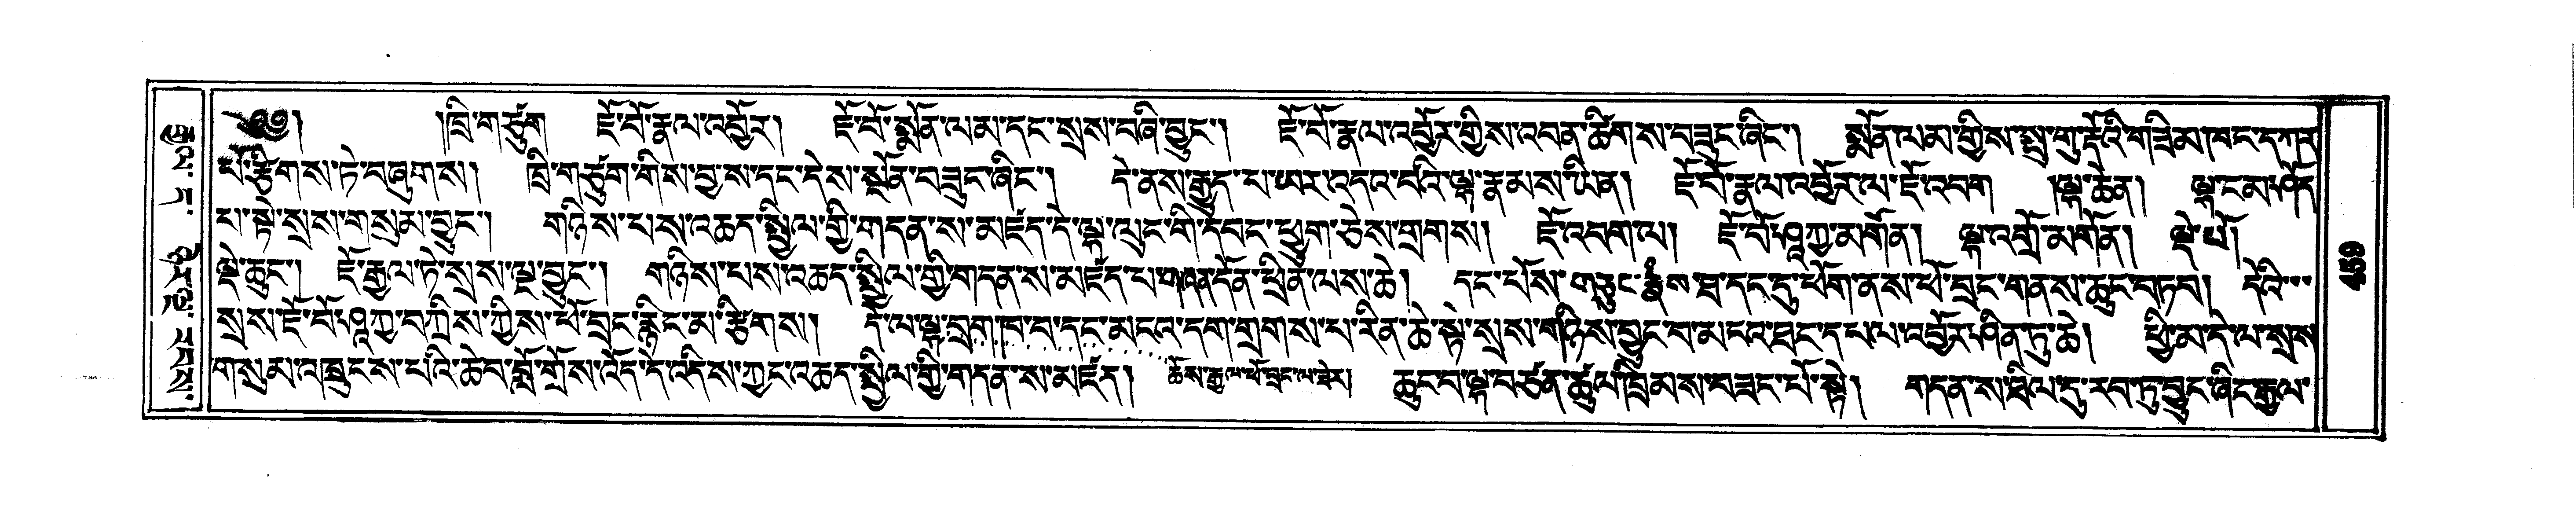༄༅། །ཁྲི་གཙུག །ཇོ་བོ་རྣལ་འབྱོར། ཇོ་བོ་སྨོན་ལམ་དང་སྲས་བཞི་བྱུང་། ཇོ་བོ་རྣལ་འབྱོར་གྱིས་འབན་ཚིགས་བཟུང་ཞིང་། སྨོན་ལམ་གྱིས་སྤུ་གུ་རྡོའི་གཟིམ་ཁང་དཀར་
པོ་རྩིགས་ཏེ་བཞུགས། ཁྲི་གཙུག་གིས་བྱ་ས་དང་དེས་སྔོན་བཟུང་ཞིང་། དེ་ནས་རྒྱུད་པ་ཡར་འདའ་བའི་ལྷ་རྣམས་ཡིན། ཇོ་བོ་རྣལ་འབྱོར་ལ་ཇོ་འབག །ལྷ་ཆེན། ལྷ་ངམ་ཤོད་
པ་སྟེ་སྲས་གསུམ་བྱུང་། གཉིས་པས་འཆད་སྤྱིལ་གྱི་གདན་ས་མཛད་དེ་ལྷ་ལུང་གི་དབང་ཕྱུག་ཅེས་གྲགས། ཇོ་འབག་ལ། ཇོ་བོ་ཤཱཀྱ་མགོན། ལྷ་འགྲོ་མགོན། ལྡེ་པོ།
ལྡེ་ཆུང་། ཇོ་རྒྱལ་ཏེ་སྲས་ལྔ་བྱུང་། གཉིས་པས་འཆད་སྤྱིལ་གྱི་གདན་ས་མཛད་པ་གཞན་དོན་ཕྲིན་ལས་ཆེ། དང་པོས་གཅུང་རྣཾས་ཐ་དང་དུ་ཕོག་ནས་ཕོ་བྲང་གནས་ཆུང་བཏབ། དེའི་
སྲས་ཇོ་བོ་ཤཱཀྱ་བཀྲིས་ཀྱིས་ཕོ་བྲང་རྙིང་མ་རྩིགས། དེ་ལ་ལྷ་བྲག་ཁ་བ་དང་མངའ་དག་གྲགས་པ་རིན་ཆེ་སྟེ་སྲས་གཉིས་བྱུང་བ་མངའ་ཐང་དཔལ་འབྱོར་ཤིན་ཏུ་ཆེ། ཕྱི་མ་དེ་ལ་སྲས་
གསུམ་འཁྲུངས་པའི་ཆེ་བ་བློ་གྲོས་འོད་དེ་འདིས་ཀྱང་འཆད་སྤྱིལ་གྱི་གདན་ས་མཛད། ཆོས་རྒྱལ་ཕོ་བྲང་ལ་ཟེར།  ཆུང་བ་ལྷ་བཙན་ཚུལ་ཁྲིམས་བཟང་པོ་སྟེ། གདན་ས་ཐིལ་དུ་རབ་ཏུ་བྱུང་ཞིང་རྒྱལ་